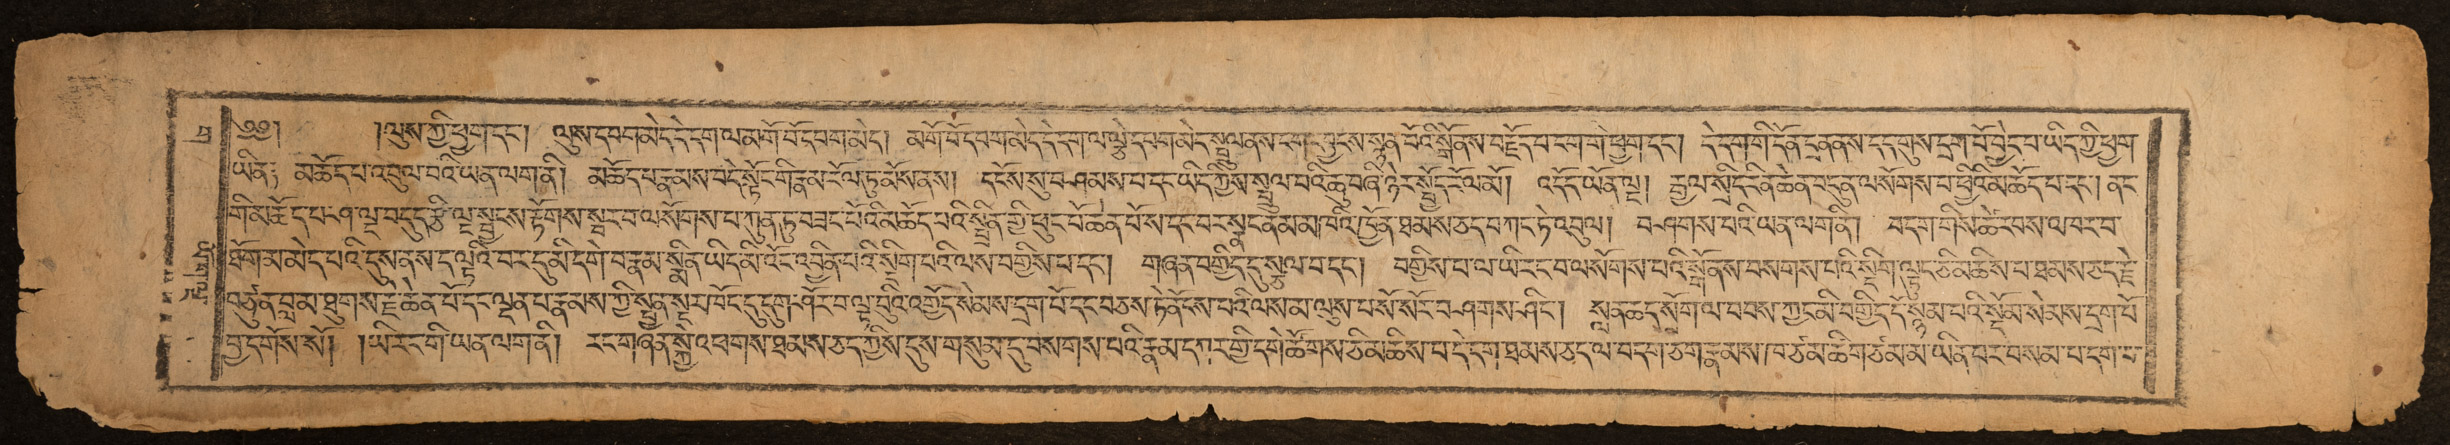༄༅། །ལུས་ཀྱི་ཕྱག་དང་། ལུས་དཔག་མེད་དེ་དག་ལ་མགོ་བོ་དཔག་མེད། མགོ་བོ་དཔག་མེད་དེ་དག་ལ་ལྕེ་དཔག་མེད་སྤྲུལ་ནས་ངག་དབྱངས་སྙན་པོའི་སྒོ་ནས་བརྗོད་པ་ངག་གི་ཕྱག་དང་། དེ་དག་གི་དོན་དྲན་ནས་དད་གུས་དྲག་པོ་བྱེད་པ་ཡིད་ཀྱི་ཕྱག་
ཡིན༑ མཆོད་པ་འབུལ་བའི་ཡན་ལག་ནི། མཆོད་པ་རྣམས་བདེ་སྟོང་གི་རྣམ་རོལ་ཏུ་མོས་ནས། དངོས་སུ་བཤམས་པ་དང་ཡིད་ཀྱིས་སྤྲུལ་བའི་ཆུ་བཞི་ཉེར་སྤྱོད་རོལ་མོ། འདོད་ཡོན་ལྔ། རྒྱལ་སྲིད་རིན་ཆེན་བདུན་ལ་སོགས་བ་ཕྱིའི་མཆོད་པ་དང་། ནང་
གི་མཆོད་པ་ཤ་ལྔ་བདུད་རྩི་ལྔ་སྦྱངས་རྟོགས་སྤར་བ་ལ་སོགས་པ་ཀུན་ཏུ་བཟང་པོའི་མཆོད་པའི་སྤྲིན་གྱི་ཕུང་པོ་ཆེན་བོ་ས་དང་བར་སྣང་ནམ་མཁའི་ཁྱོན་ཐམས་ཅད་བཀང་ཏེ་འབུལ། བཤགས་པའི་ཡན་ལག་ནི། བདག་གིས་ཚེ་རབས་འཁོར་པ་
ཐོག་མ་མེད་པའི་དུས་ནས་ད་ལྟའི་བར་དུ་མི་དགེ་བ་རྣམ་སྨིན་ཡིད་མི་འོང་འབྱིན་པའི་སྡིག་བའི་ལས་བགྱིས་པ་དང་། གཞན་བགྱིད་དུ་སྩལ་བ་དང་བགྱིས་པ་ལ་ཡི་རང་བལ་སོགས་པའི་སྒོ་ནས་བསགས་པའི་སྡིག་ལྟུང་ཅི་མཆིས་པ་ཐམས་ཅད་རྗེ་
བཙུན་བླ་མ་ཐུགས་རྗེ་ཆེན་པོ་དང་ལྡན་པ་རྣམས་ཀྱི་སྤྱན་སྔར་ཁོང་དུ་དུག་ཤོར་བ་ལྟ་བུའི་འགྱོད་སེམས་དྲག་པོ་དང་བཅས་ཏེ་ནོངས་པའི་ལས་མ་ལུས་པ་སོ་སོར་བཤགས་ཤིང་། སླན་ཆད་སྲོག་ལ་བབས་ཀྱང་མི་བགྱིད་དོ་སྙམ་པའི་སྡོམ་སེམས་དྲག་པོ་
བྱ་དགོས་སོ། །ཡི་རང་གི་ཡན་ལག་ནི། རང་གཞན་སྐྱེ་འཕགས་ཐམས་ཅད་ཀྱིས་དུས་གསུམ་དུ་བསགས་པའི་རྣམ་དཀར་གྱི་དགེ་ཚོགས་ཅི་མཆིས་པ་དེ་དག་ཐམས་ཅད་ལ་བདག་ཅག་རྣམས་ཁ་ཙམ་ཚིག་ཙམ་མ་ཡིན་པར་བསམ་པ་དག་པ་